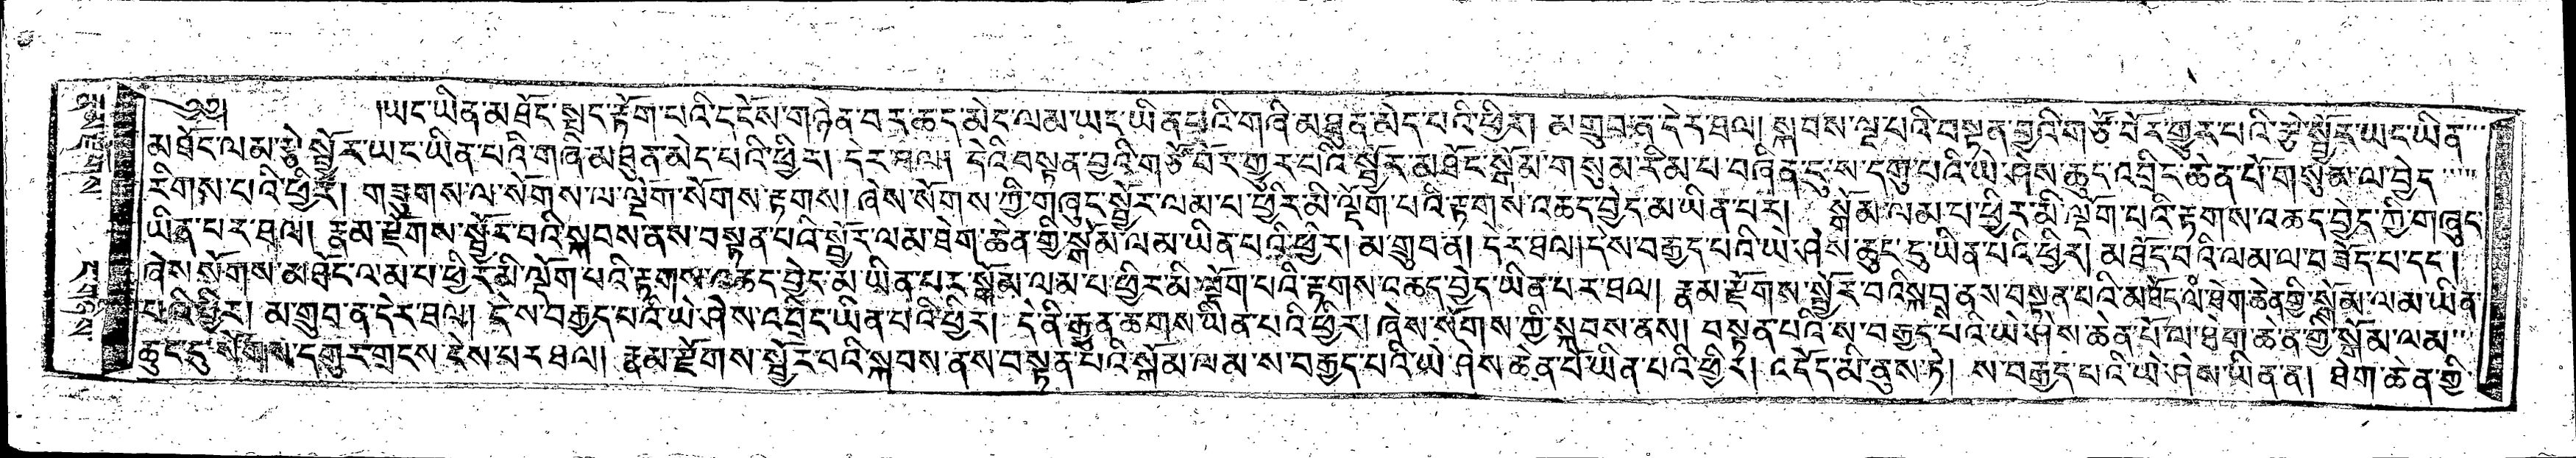༄༅། །ཡང་ཡིན་མཐོང་སྤང་རྟོག་པའི་དངོས་གཉེན་བར་ཆད་མེད་ལམ་ཡང་ཡིན་པའི་གཞི་མཐུན་མེད་པའི་ཕྱིར། མ་གྲུབ་ན་དེར་ཐལ། སྐབས་ལྔ་པའི་བསྟན་བྱའི་གཙོ་བོར་གྱུར་པའི་རྩེ་སྦྱོར་ཡང་ཡིན་
མཐོང་ལམ་རྩེ་སྦྱོར་ཡང་ཡིན་པའི་གཞི་མཐུན་མེད་པའི་ཕྱིར། དེར་ཐལ། དེའི་བསྟན་བྱའི་གཙོ་བོར་གྱུར་པའི་སྦྱོར་མཐོང་སྒོམ་གསུམ་རིམ་པ་བཞིན་དུ་ས་དགུ་པའི་ཡེ་ཤེས་ཆུང་འབྲིང་ཆེན་པོ་གསུམ་ལ་བྱེད་
རིགས་པའི་ཕྱིར། གཟུགས་ལ་སོགས་ལས་ལྡོག་སོགས་རྟགས། ཞེས་སོགས་ཀྱི་གཞུང་སྦྱོར་ལམ་པ་ཕྱིར་མི་ལྡོག་པའི་རྟགས་འཆད་བྱེད་མ་ཡིན་པར། སྒོམ་ལམ་པ་ཕྱིར་མི་ལྡོག་པའི་རྟགས་འཆད་བྱེད་ཀྱི་གཞུང་
ཡིན་པར་ཐལ། རྣམ་རྫོགས་སྦྱོར་བའི་སྐབས་ནས་བསྟན་པའི་སྦྱོར་ལམ་ཐེག་ཆེན་གྱི་སྒོམ་ལམ་ཡིན་པའི་ཕྱིར། མ་གྲུབ་ན། དེར་ཐལ། དེས་བརྒྱད་པའི་ཡེ་ཤེས་ཆུང་ངུ་ཡིན་པའི་ཕྱིར། མཐོང་བའི་ལམ་ལ་བཟོད་པ་དང་།
ཞེས་སོགས་མཐོང་ལམ་པ་ཕྱིར་མི་ལྡོག་པའི་རྟགས་འཆད་བྱེད་མ་ཡིན་པར་སྒོམ་ལམ་པ་ཕྱིར་མི་ལྡོག་པའི་རྟགས་འཆད་བྱེད་ཡིན་པར་ཐལ། རྣམ་རྫོགས་སྦྱོར་བའི་སྐབས་ནས་བསྟན་པའི་མཐོང་ལམ་ཐེག་ཆེན་གྱི་སྒོམ་ལམ་ཡིན་
པའི་ཕྱིར། མ་གྲུབ་ན་དེར་ཐལ། དེ་ས་བརྒྱད་པའི་ཡེ་ཤེས་འབྲིང་ཡིན་པའི་ཕྱིར། དེ་ནི་རྒྱུན་ཆགས་ཡིན་པའི་ཕྱིར། ཞེས་སོགས་ཀྱི་སྐབས་ནས། བསྟན་པའི་ས་བརྒྱད་པའི་ཡེ་ཤེས་ཆེན་པོ་ལ་ཐེག་ཆེན་གྱི་སྒོམ་ལམ་
ཆུང་ངུ་སོགས་དགུར་གྲངས་ངེས་པར་ཐལ། རྣམ་རྫོགས་སྦྱོར་བའི་སྐབས་ནས་བསྟན་པའི་སྒོམ་ལམ་ས་བརྒྱད་པའི་ཡེ་ཤེས་ཆེན་པོ་ཡིན་པའི་ཕྱིར། འདོད་མི་ནུས་ཏེ། ས་བརྒྱད་པའི་ཡེ་ཤེས་ཡིན་ན། ཐེག་ཆེན་གྱི་